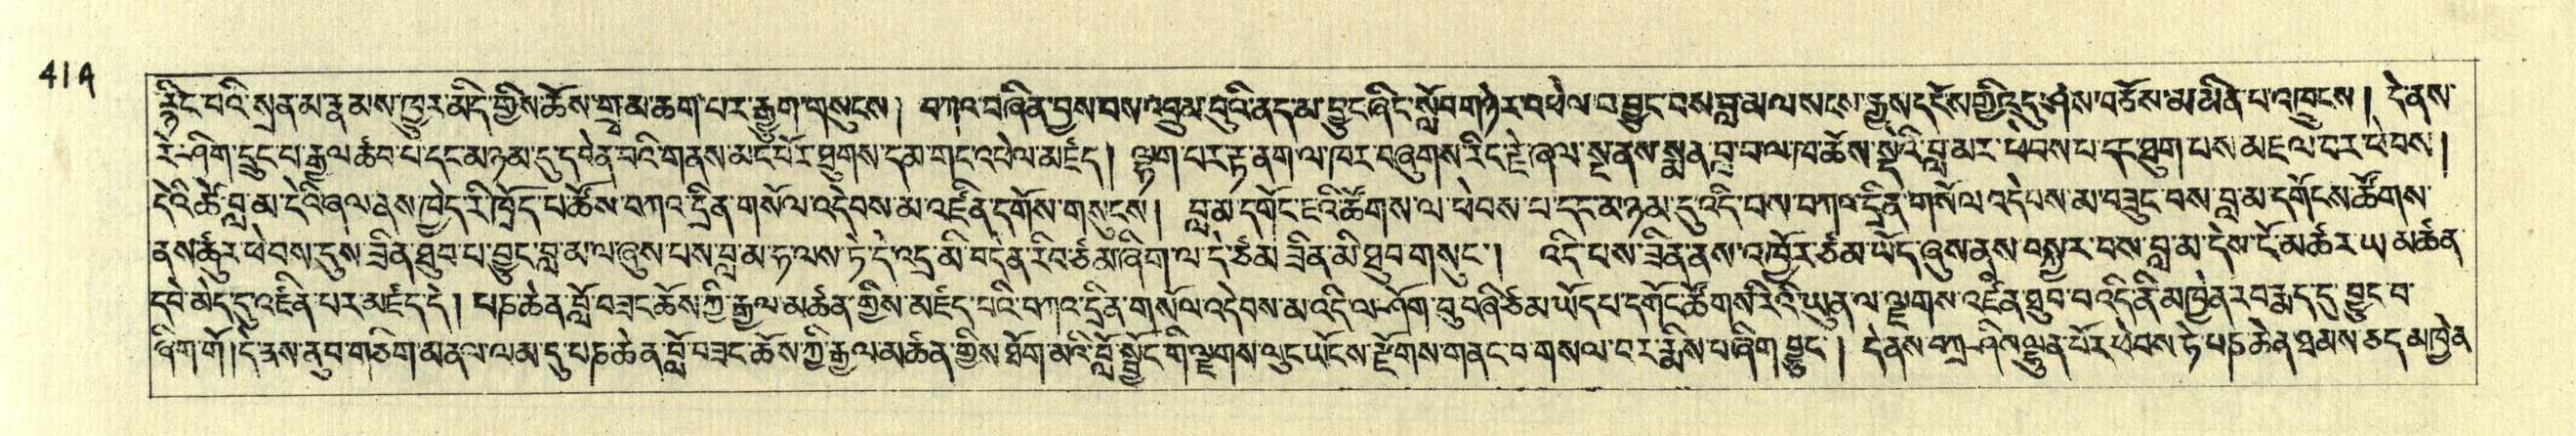རྙིང་པའི་སྲན་མ་རྣམས་ཁྱུར་མིད་གྱིས་ཆོས་གྲྭ་མ་ཆག་པར་རྒྱུག་གསུངས། བཀའ་བཞིན་བྱས་བས་འབྲུམ་བུའི་ནད་མ་བྱུང་ཞིང་སློབ་གཉེར་འཕེལ་བ་བྱུང་བས་བླ་མ་ལ་སངས་རྒྱས་དངོས་གྱི་འདུ་ཤེས་བཅོས་མ་མིན་པ་འཁྲུངས། དེ་ནས་
རེ་ཤིག་དྲུང་པ་རྒྱལ་ཚབ་པ་དང་མཉམ་དུ་དབེན་བའི་གནས་མང་པོར་ཐུགས་དམ་གང་འཕེལ་མཛད། ལྷག་པར་རྟ་ནག་ལ་ཁར་བཞུགས་རིང་རྗེ་ཞལ་སྔ་ནས་སྨན་བླ་བ་ལ་ཁ་ཆོས་སྡེའི་བླ་མར་ཕེབས་པ་དང་ཐུག་པས་མཇལ་བར་ཕེབས།
དེའི་ཚེ་བླ་མ་དེའི་ཞལ་ནས་ཁྱེད་རི་ཁྲོད་པ་ཚོས་བཀའ་དྲིན་གསོལ་འདེབས་མ་འཛིན་དགོས་གསུངས། བླ་མ་དགོང་ཇའི་ཚོགས་ལ་ཕེབས་པ་དང་མཉམ་དུ་འདི་བས་བཀའ་དྲིན་གསོལ་འདེབས་མ་བཟུང་བས་བླ་མ་དགོངས་ཚོགས་
ནས་ཚུར་ཕེབས་དུས་ཟིན་ཐུབ་པ་བྱུང་བླ་མ་ལ་ཞུས་པས་བླ་མ་ཧ་ལས་ཏེ་དེ་འདྲ་མི་བདེན་རིབ་ཙམ་ཞིག་ལ་དེ་ཙམ་ཟིན་མི་ཐུབ་གསུང་། འདི་པས་ཟིན་ནས་འཁྱོར་ཙམ་ཡོད་ཞུས་ནས་བསྐྱར་བས་བླ་མ་དེས་ངོ་མཚར་ཡ་མཚན་
དབེ་མེད་དུ་འཛིན་པར་མཛད་དེ། པཎ་ཆེན་བློ་བཟང་ཆོས་ཀྱི་རྒྱལ་མཚན་གྱིས་མཛད་པའི་བཀའ་དྲིན་གསོལ་འདེབས་མ་འདི་ལ་ཤོག་བུ་བཞི་ཙམ་ཡོད་པ་དགོང་ཚོགས་རིའི་ཡུན་ལ་ལྗགས་འཛིན་ཐུབ་པ་འདི་ནི་མཁྱེན་རབ་རྨད་དུ་བྱུང་བ་
ཞིག་གོ །དེ་ནས་ནུབ་གཅིག་མནལ་ལམ་དུ་པཎ་ཆེན་བློ་བཟང་ཆོས་ཀྱི་རྒྱལ་མཚན་གྱིས་ཐོག་མའི་བློ་སྦྱོང་གི་ལྗགས་ལུང་ཡོངས་རྫོགས་གནང་བ་གསལ་བར་རྨིས་བཞིག་བྱུང་། དེ་ནས་བཀྲ་ཤིས་ལྷུན་པོར་ཕེབས་ཏེ་པཎ་ཆེན་ཐམས་ཅད་མཁྱེན་